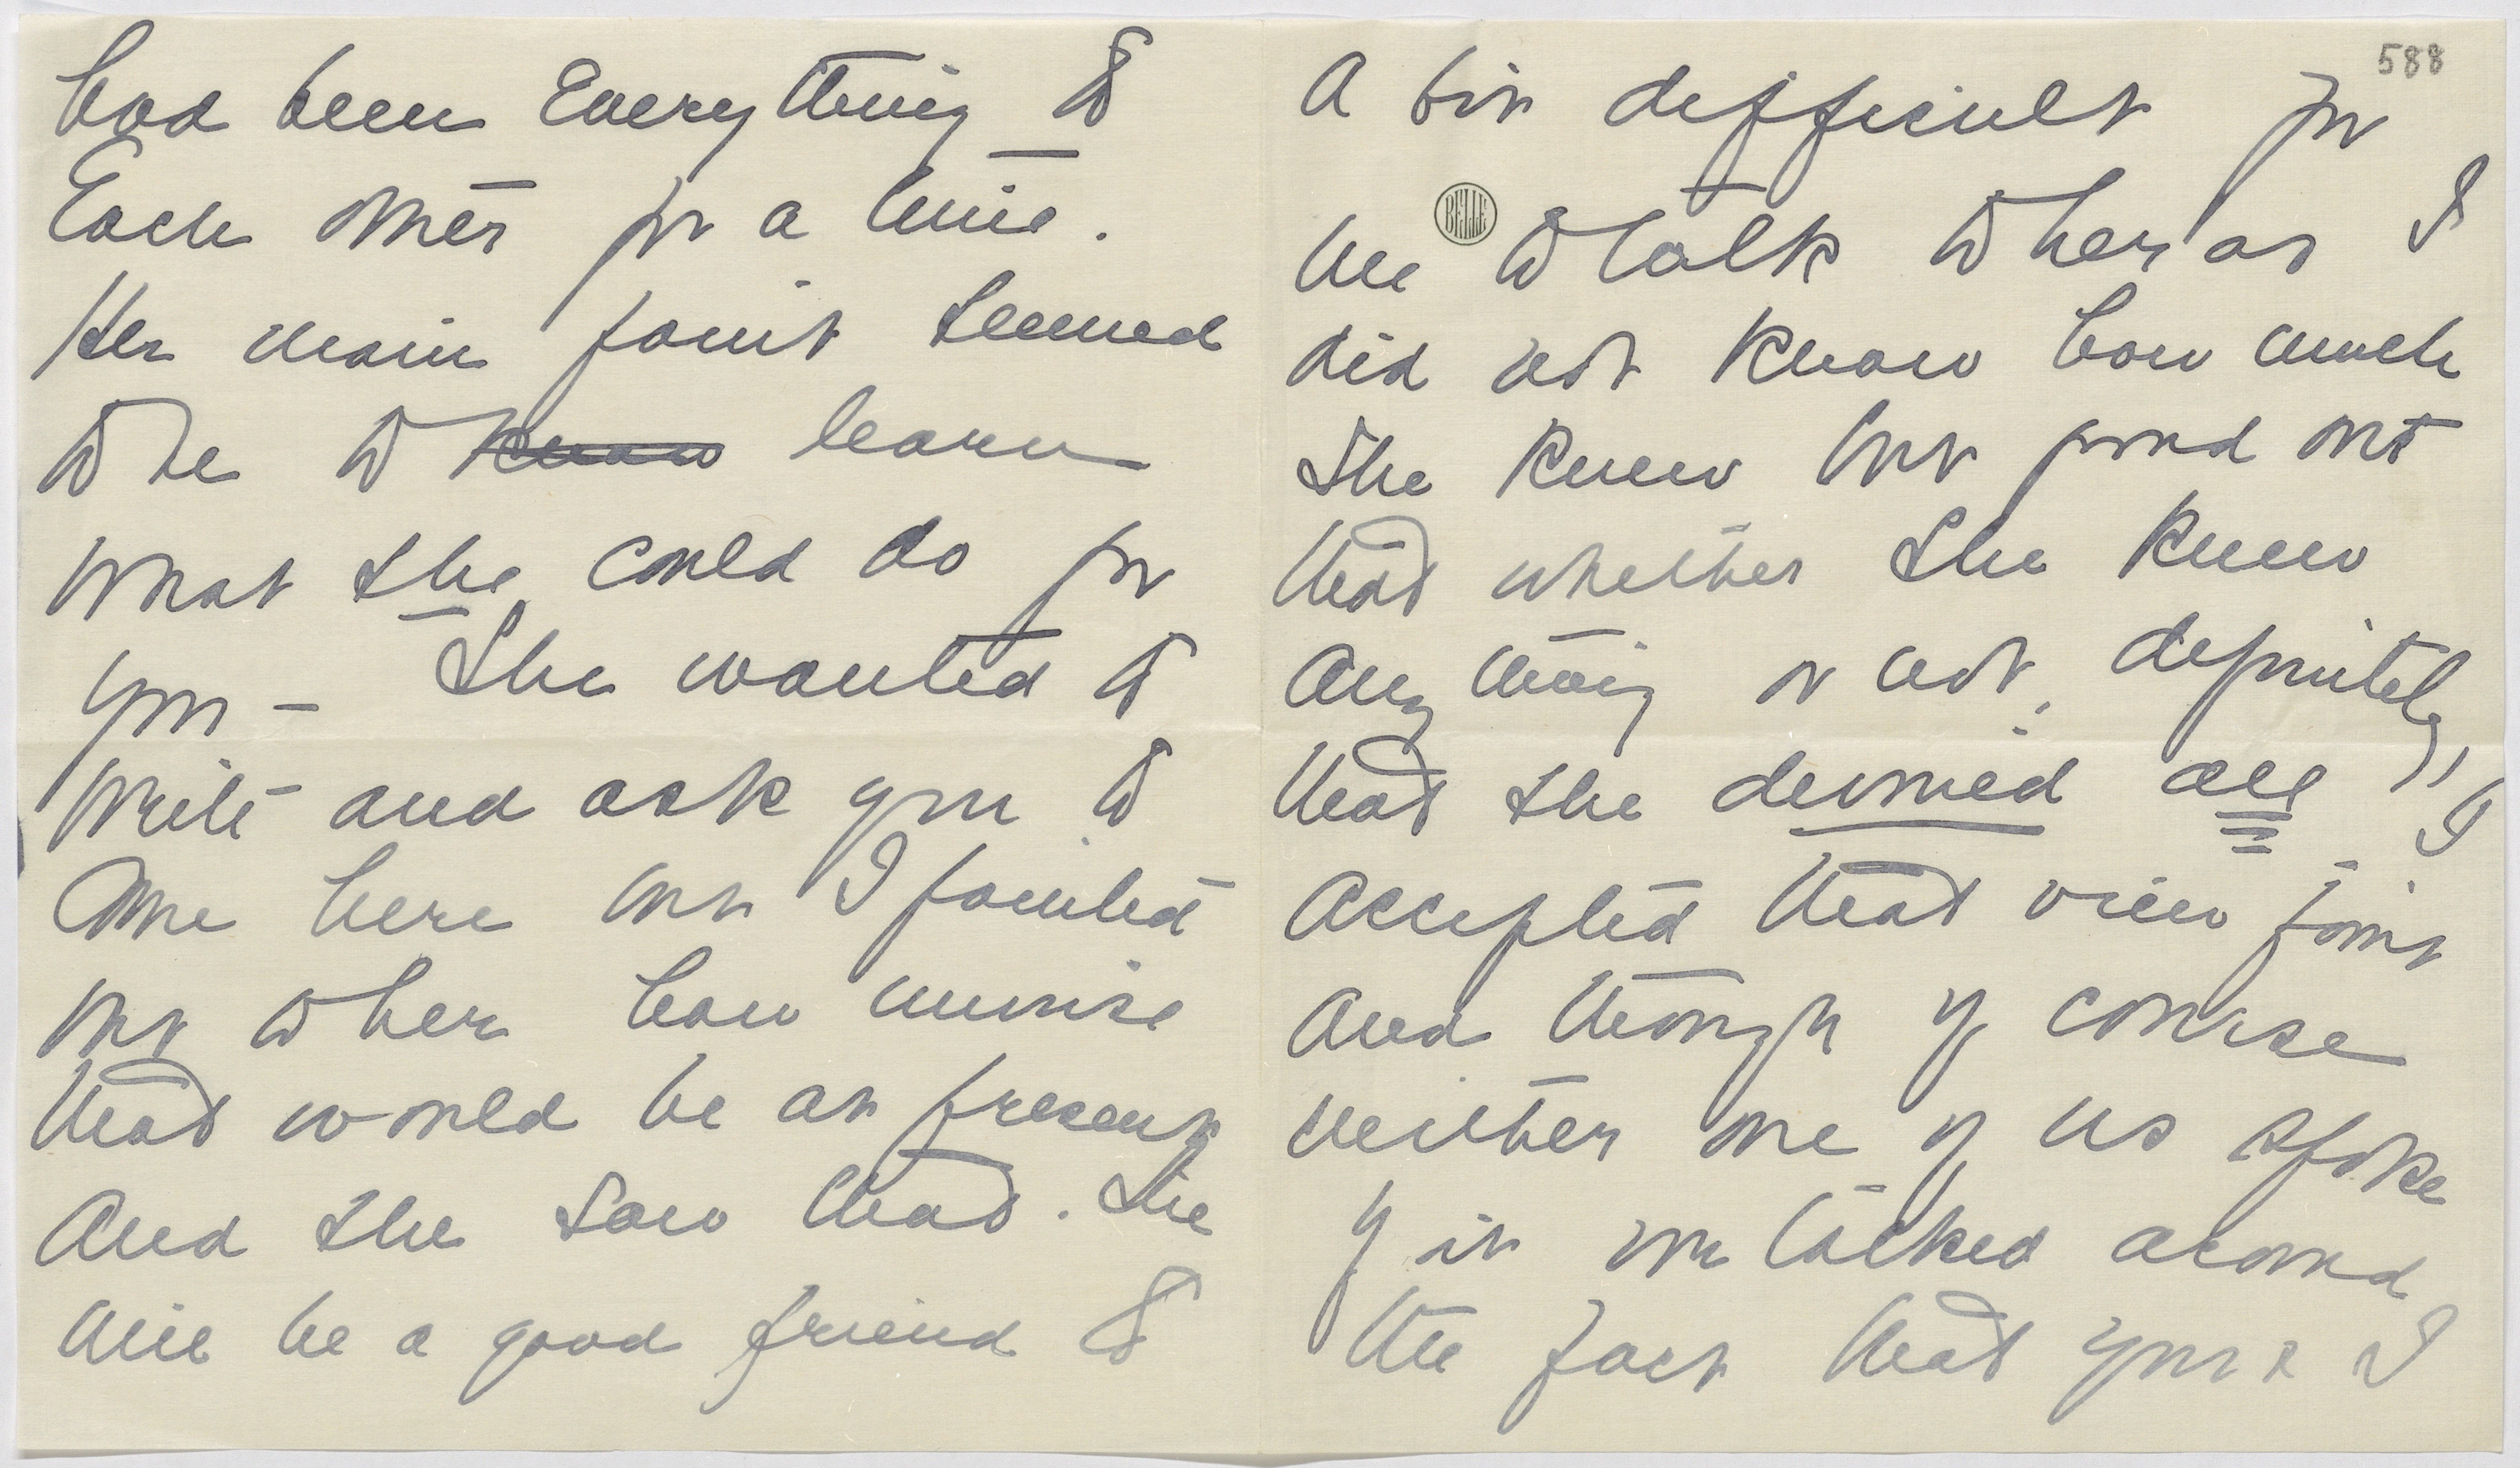a bit difficult for me to talk to her as I did not know how much she knew but found out that whether she knew any thing or not, definitely, that she denied [triple underlined: all] – I accepted that view point and though of course neither one of us spoke of it we talked around the fact that you & I
had been every thing to each other for a time. Her main point seemed to be to know learn what she could do for you – She wanted to write and ask you to come here but I pointed out to her how unwise that would be at present and she saw that. She will be a good friend to